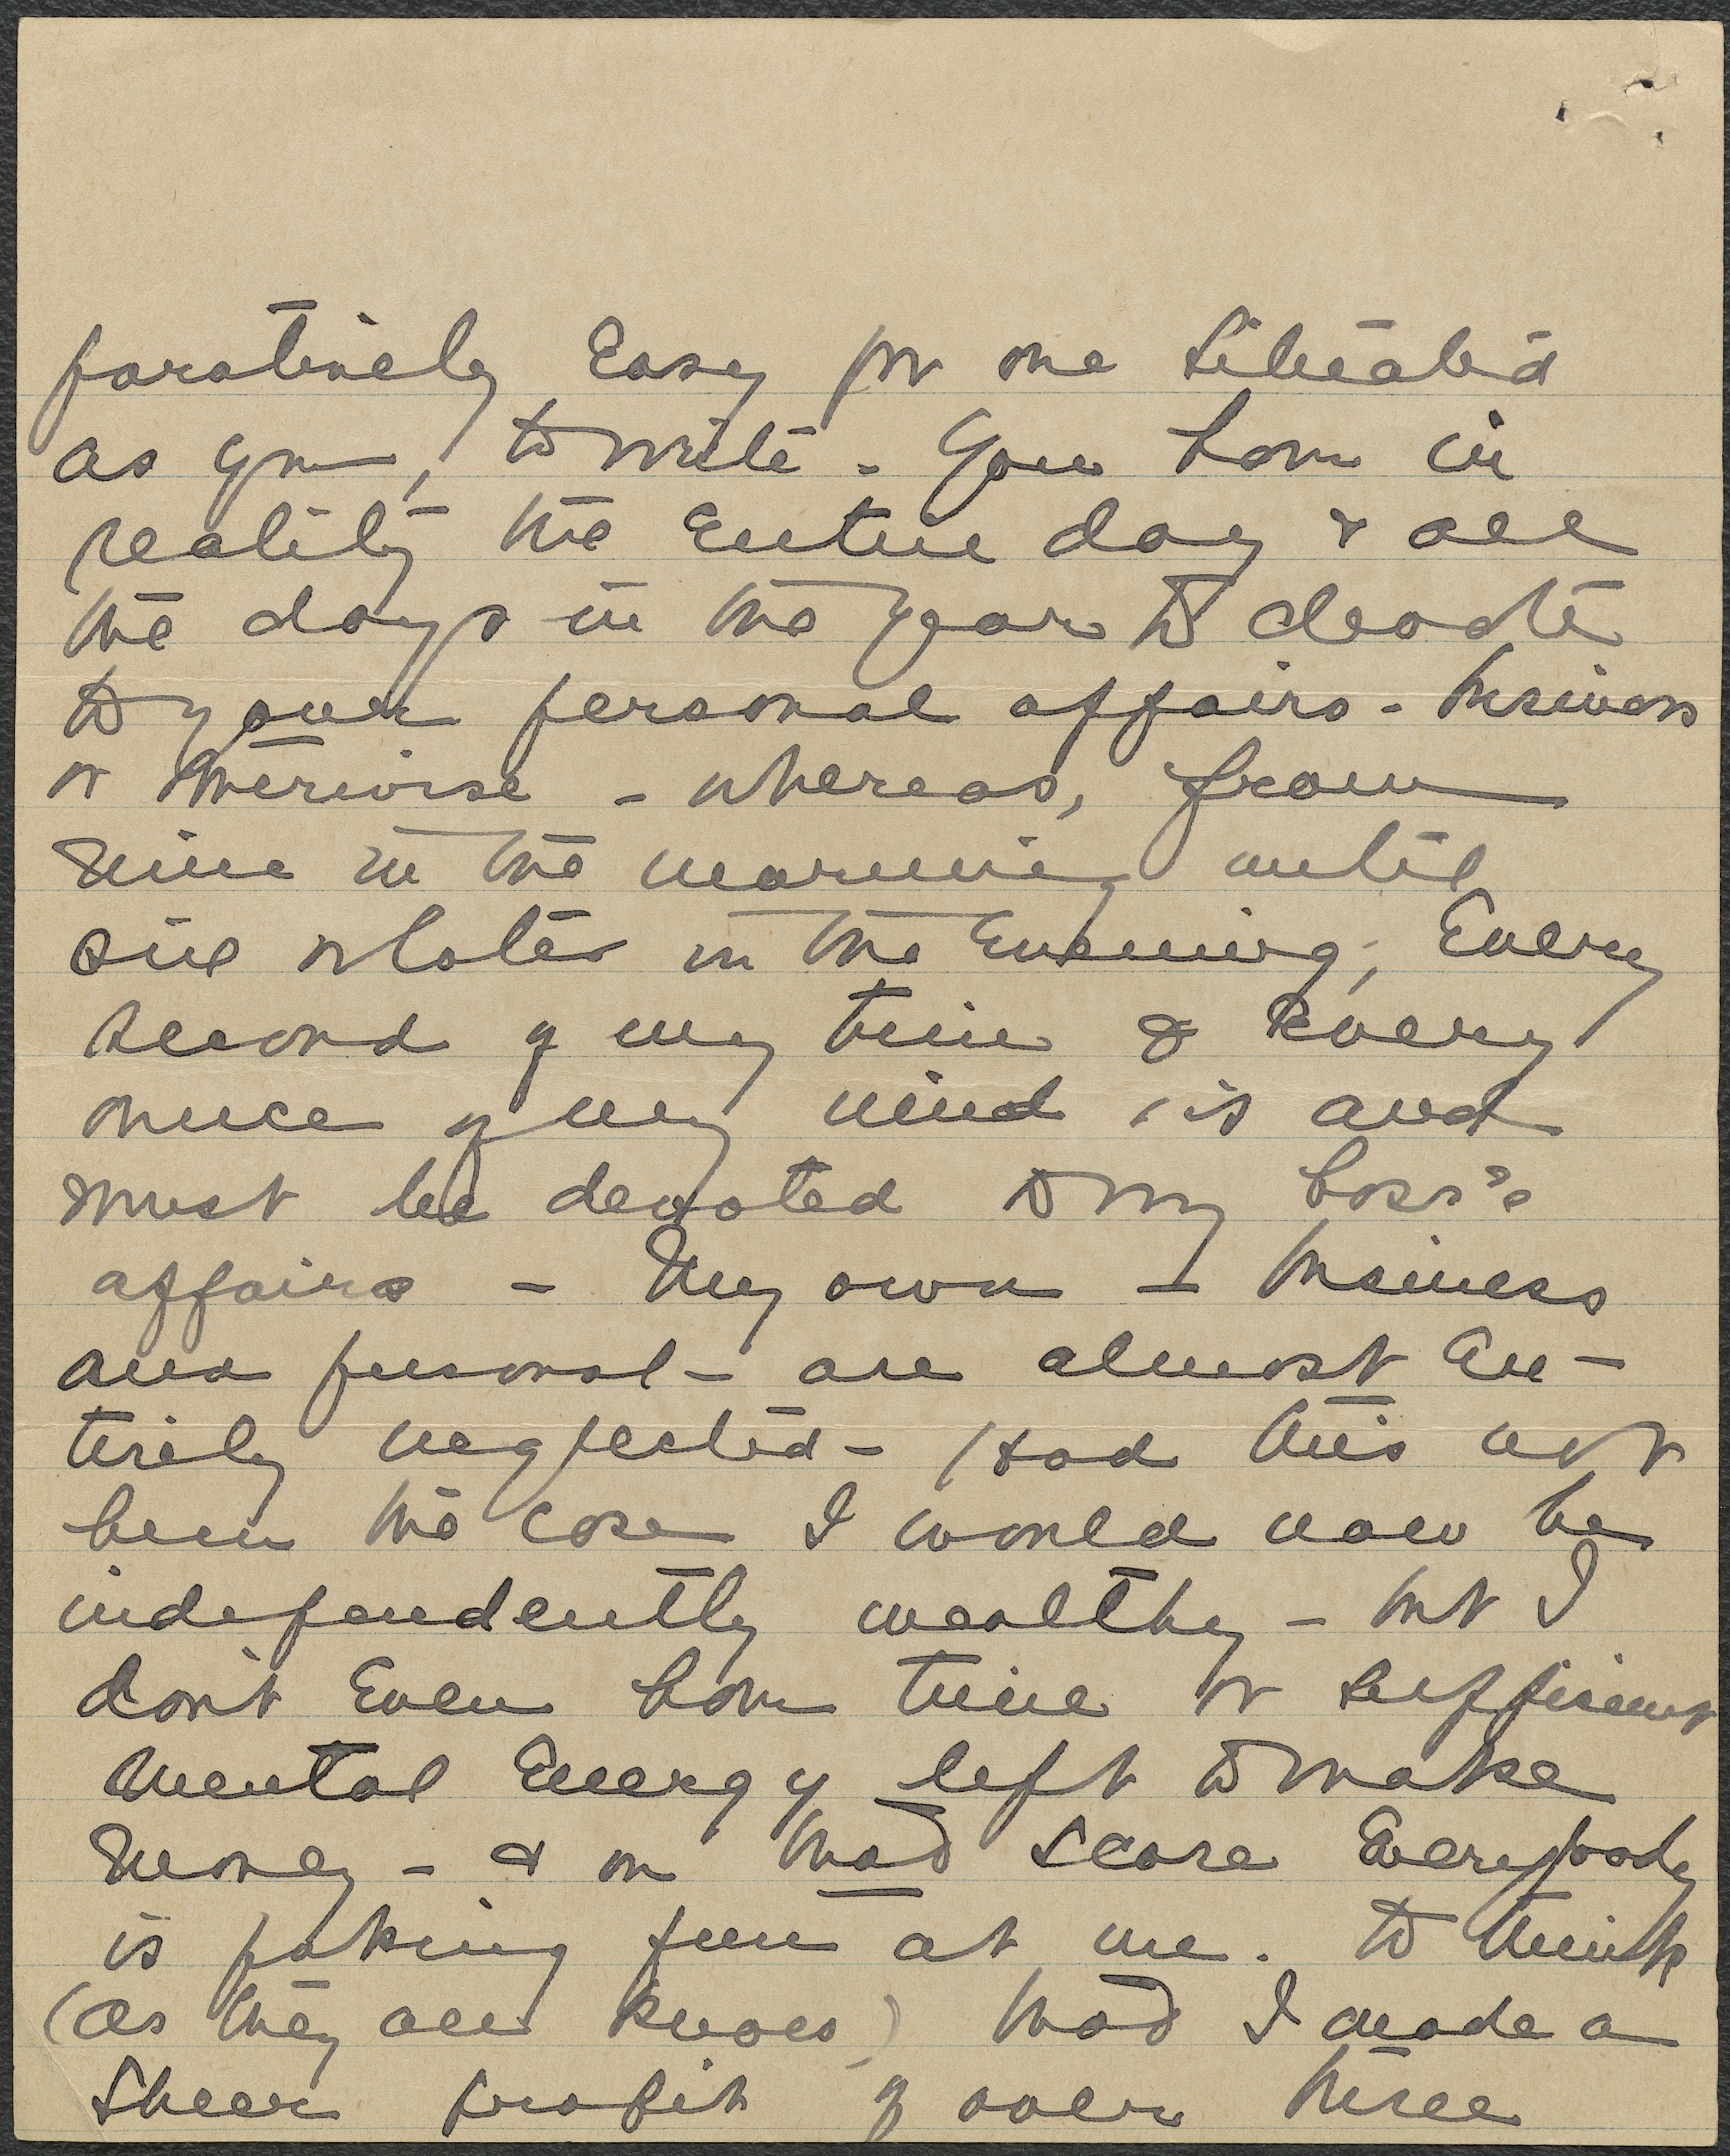comparatively easy for one situated as you, to write – you have in reality the entire day & all the days in the year to devote to your personal affairs – business or otherwise – whereas, from nine in the morning until six or later in the evening, every second of my time & every ounce of my mind is and must be devoted to my boss’s affairs – my own – business and personal – are almost entirely neglected – Had this not been the case I would now be independently wealthy – but I don’t even have time or sufficient mental energy left to make money – & on that score everybody is poking fun at me. to think (as they all know) that I made a sheer profit of over three